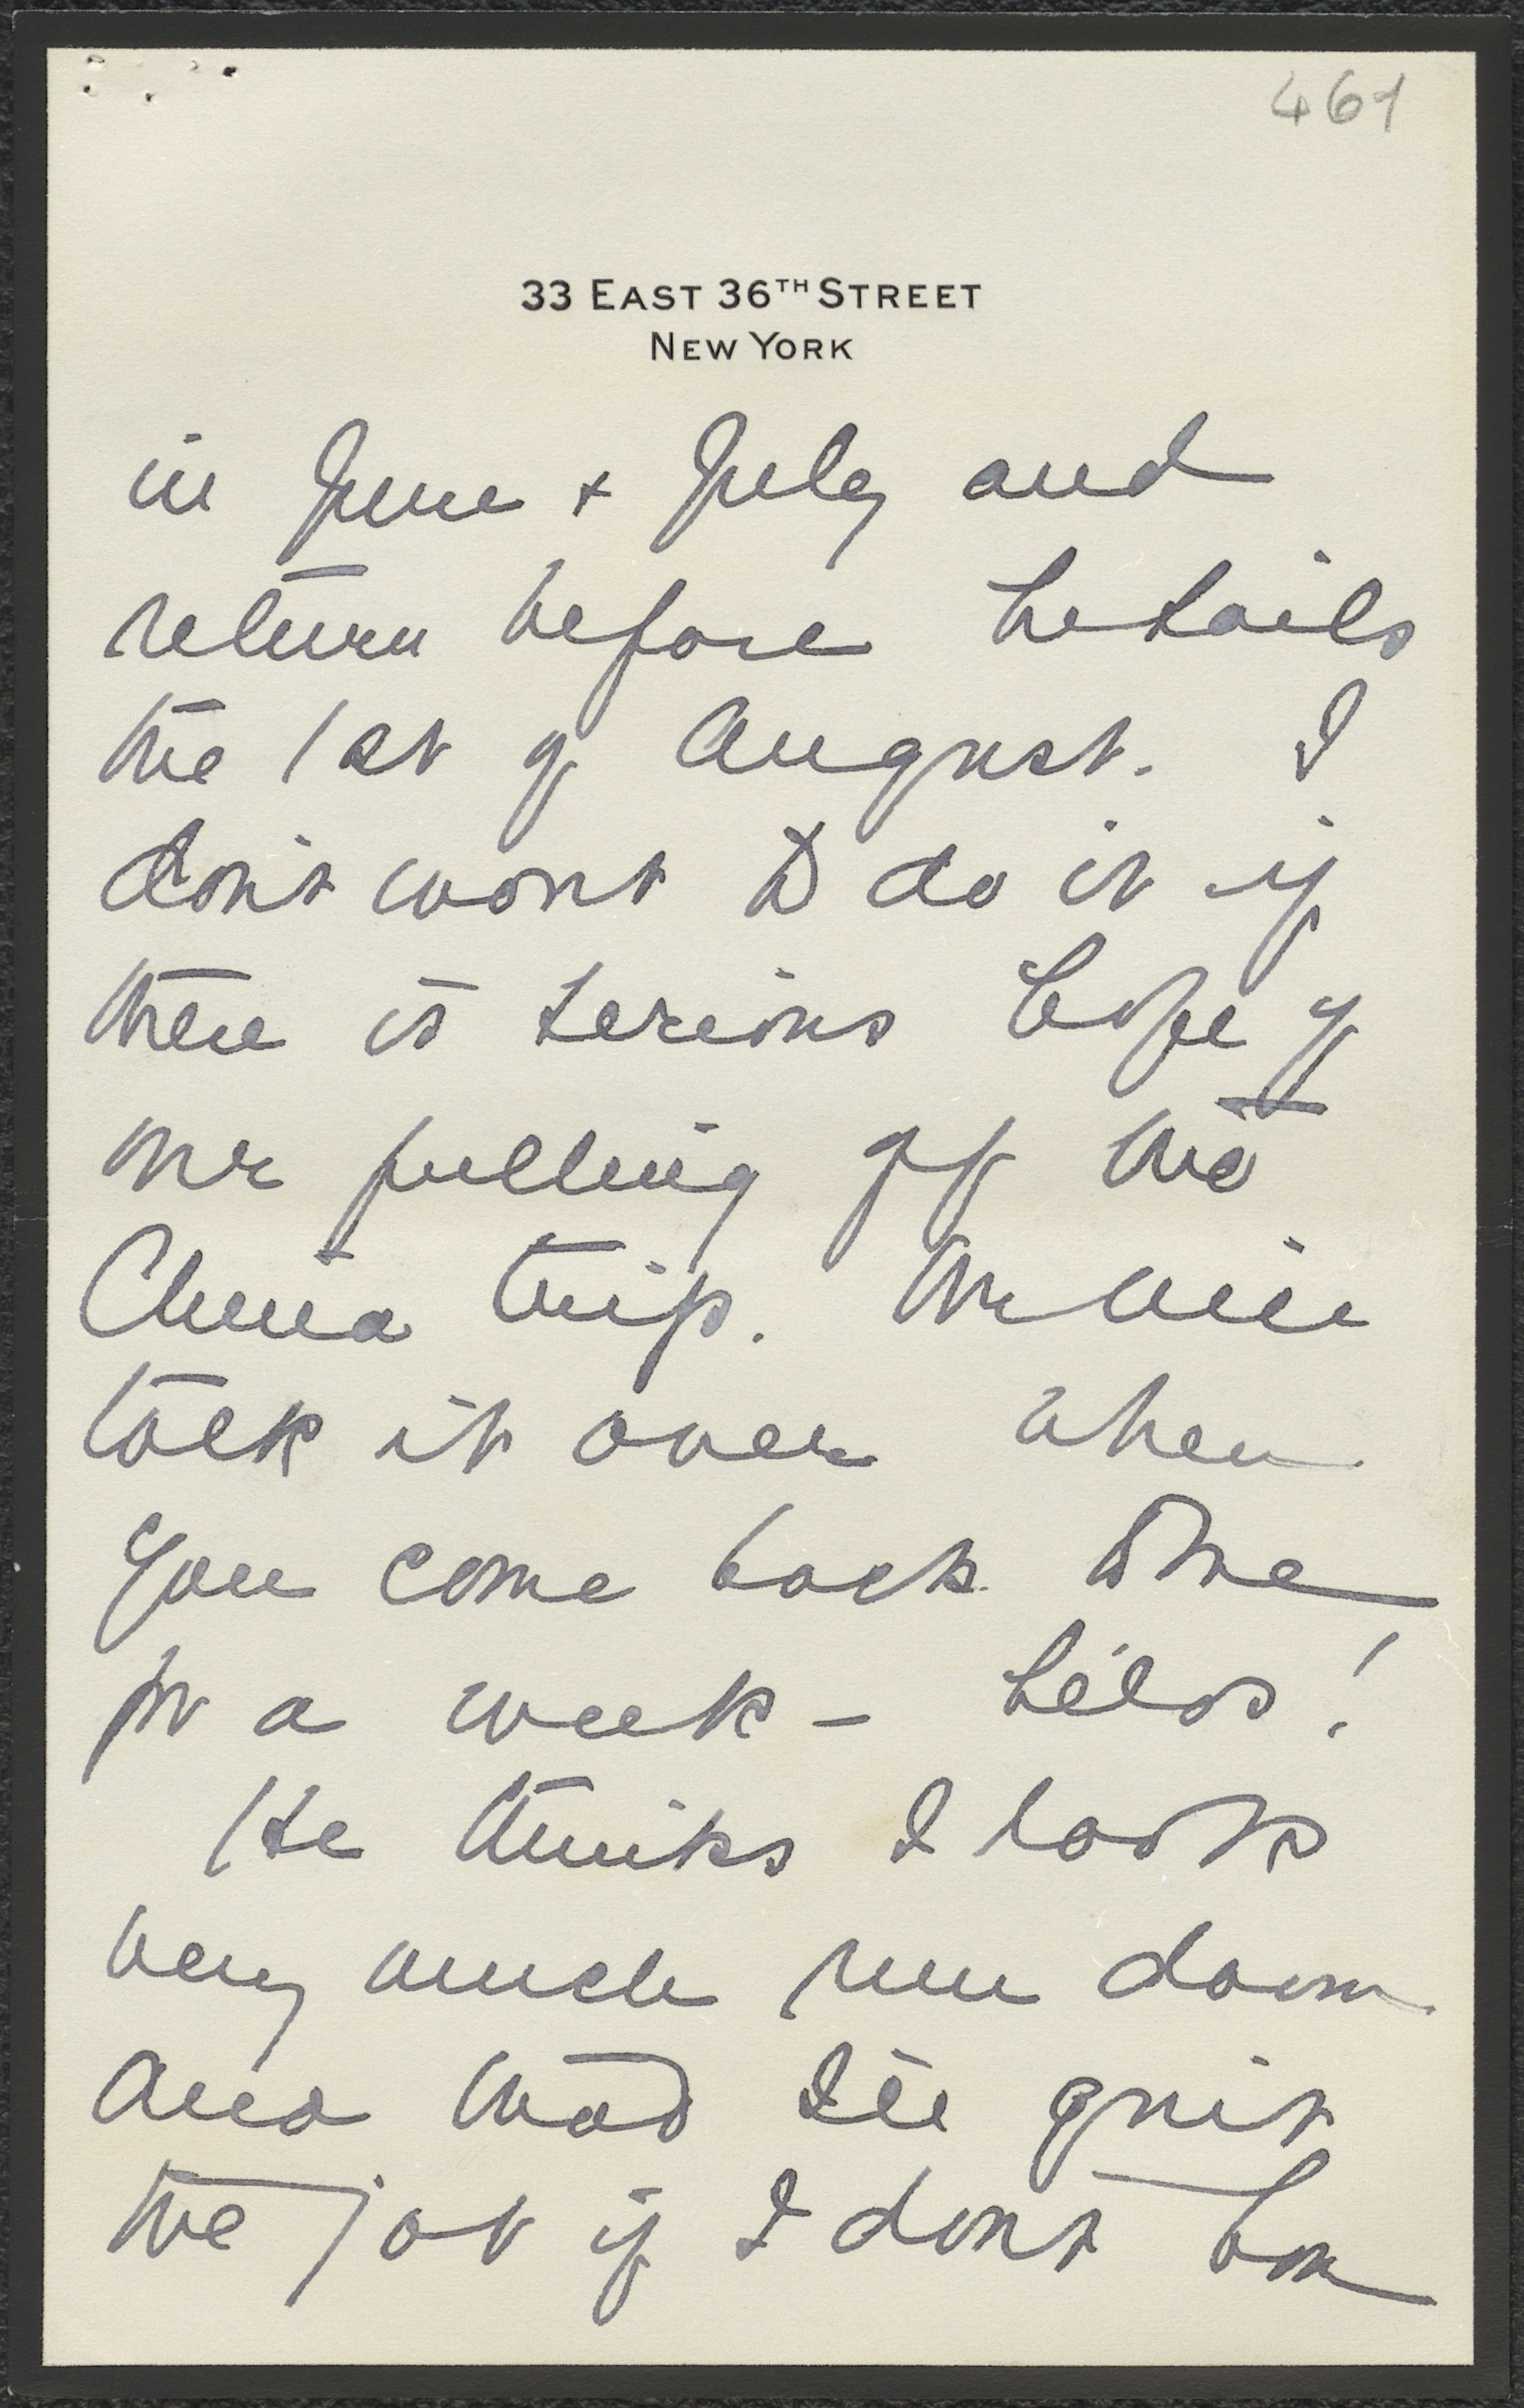in June & July and return before he sails the 1st of August. I don’t want to do it if there is serious hope of our pulling off the China trip. We will talk it over when you come back to me for a week – hélas!
He thinks I look very much run down and that I’ll quit the job if I don’t have